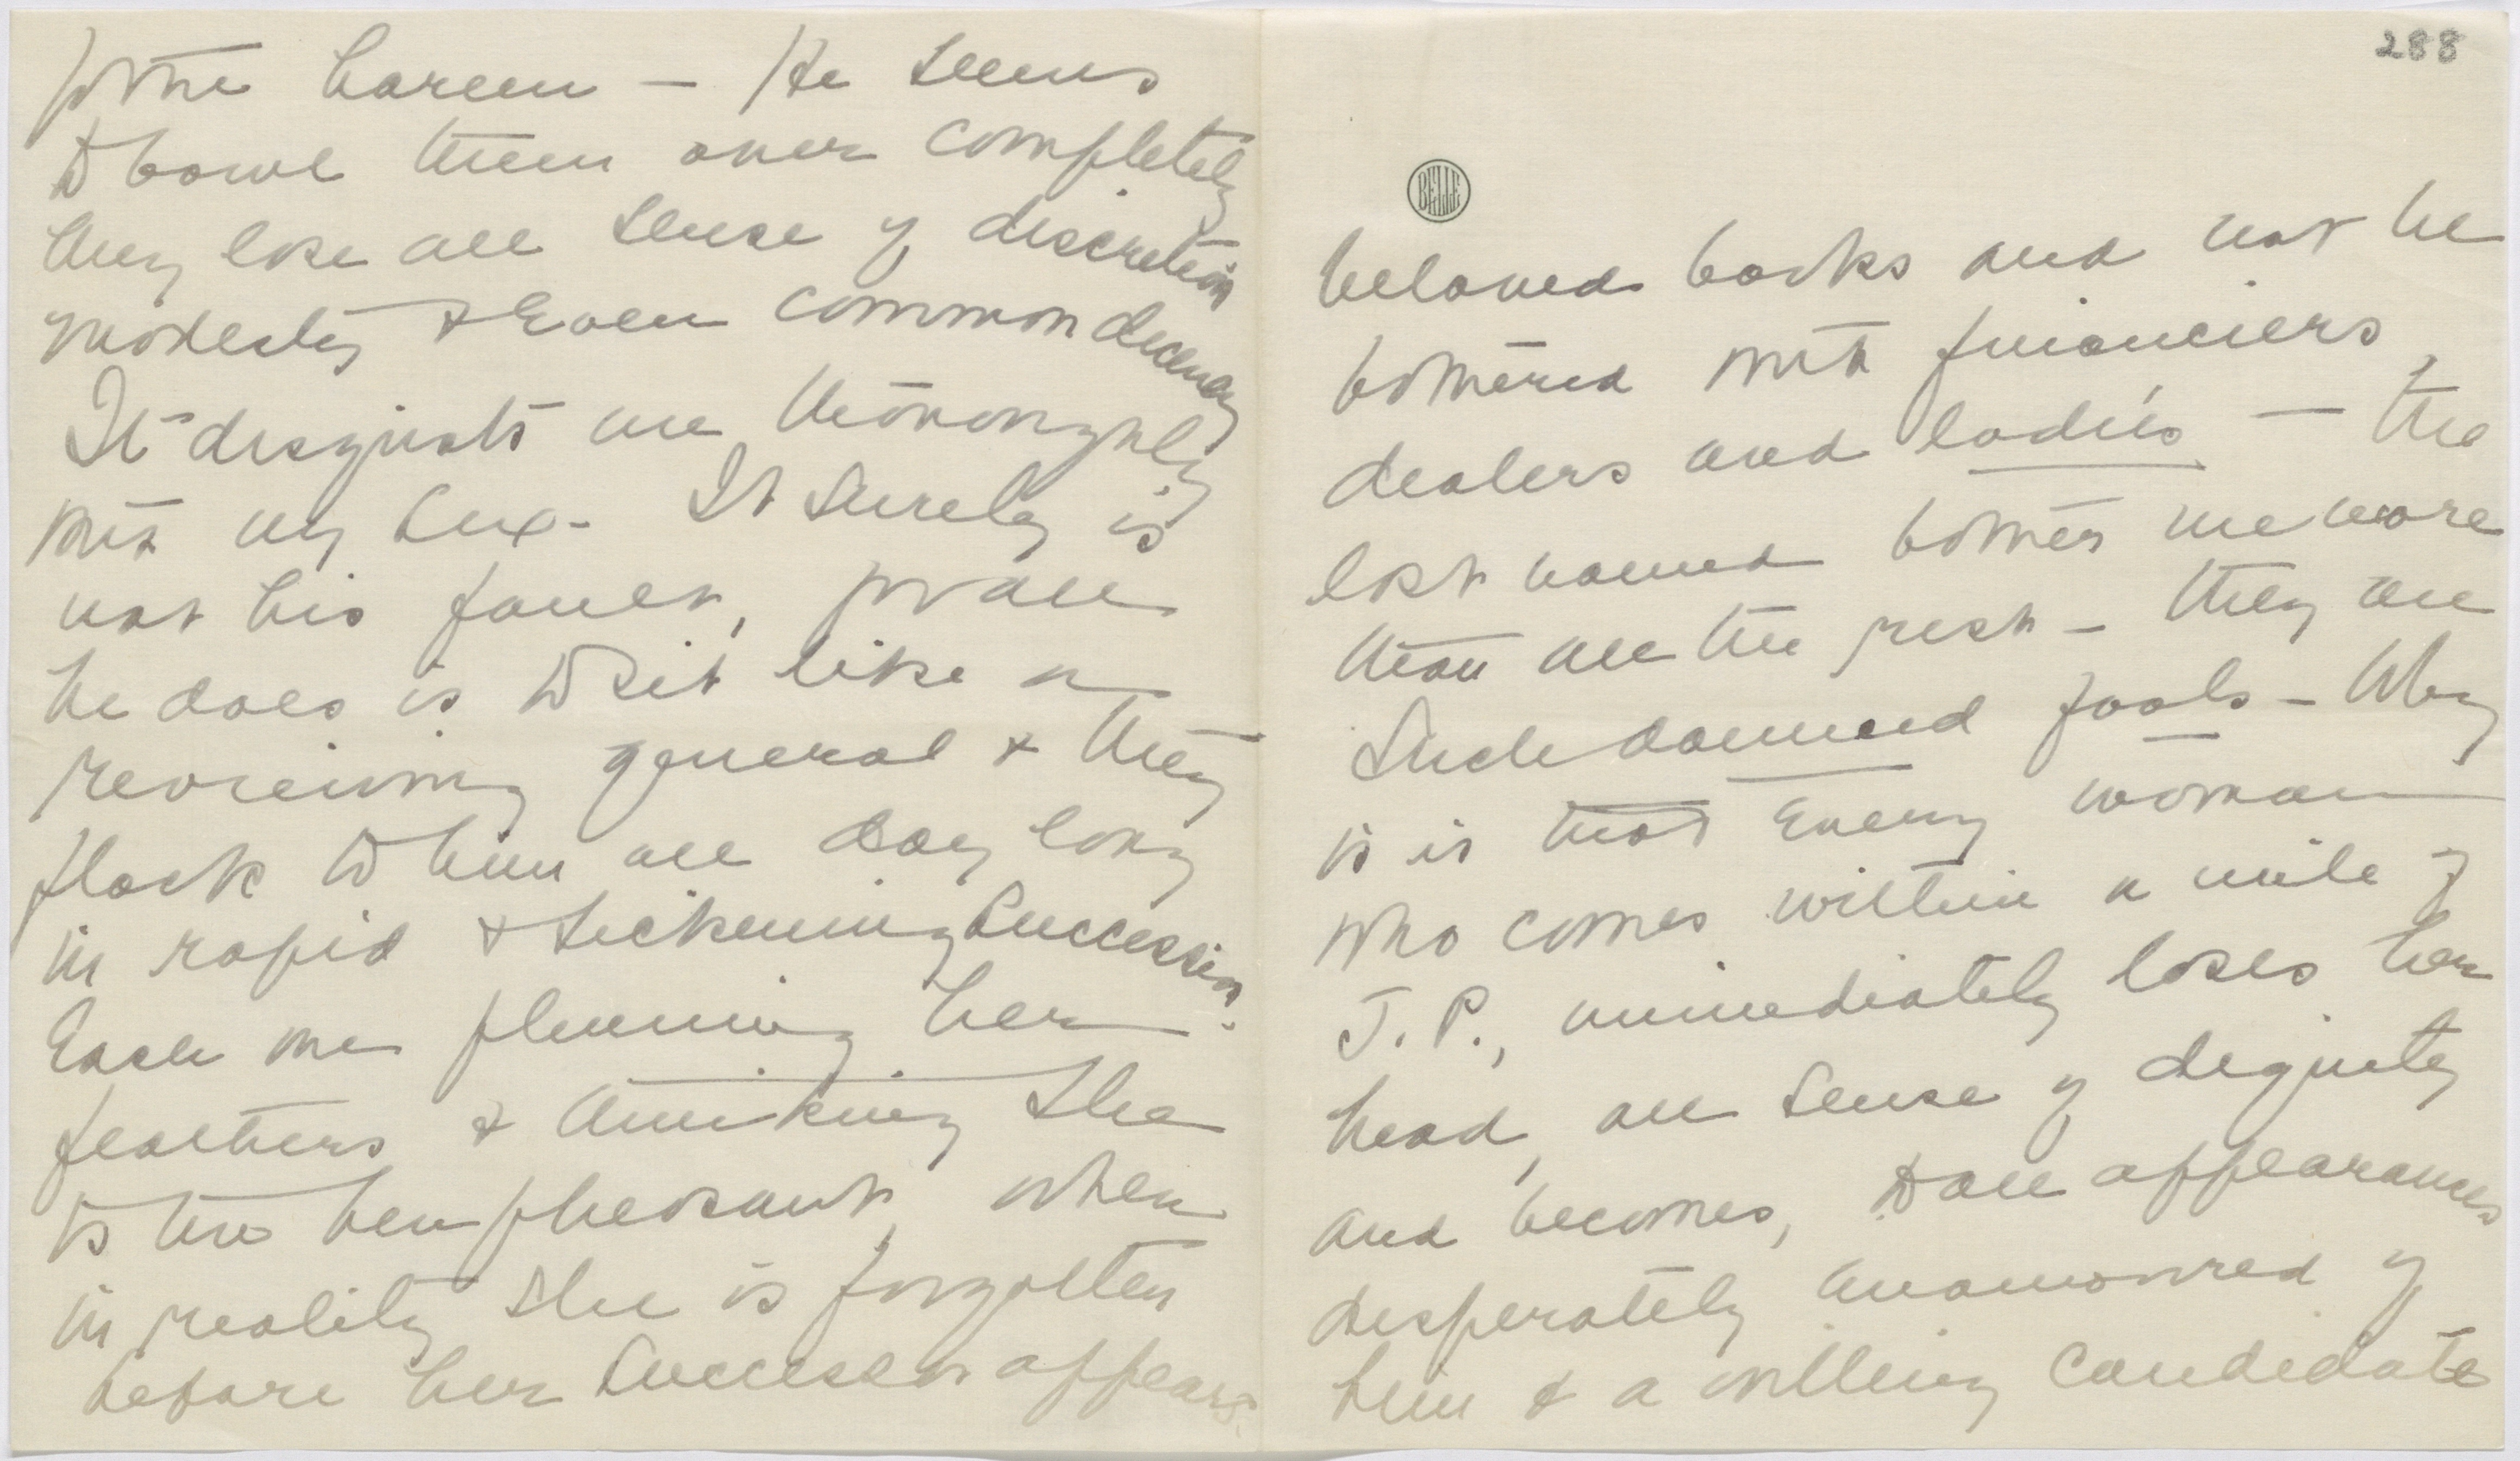beloved books and not be bothered with financiers, dealers and ladies – the last named bother me more than all the rest – they are Such damned fools – Why is it every woman who comes within a mile of J. P., immediately loses her head, all sense of dignity and becomes, to all appearances desperately enamoured of him & a willing candidate
for the harem – He seems to bowl them over completely[.] They lose all sense of discretion modesty & even common decency
It disgusts me thoroughly with my sex – It surely is not his fault, for all he does is to sit like a reviewing general & they flock to him all day long in rapid & sickening succession,
Each one pluming her feathers & thinking she is the hen pheasant, when in reality she is forgotten before her successor appears